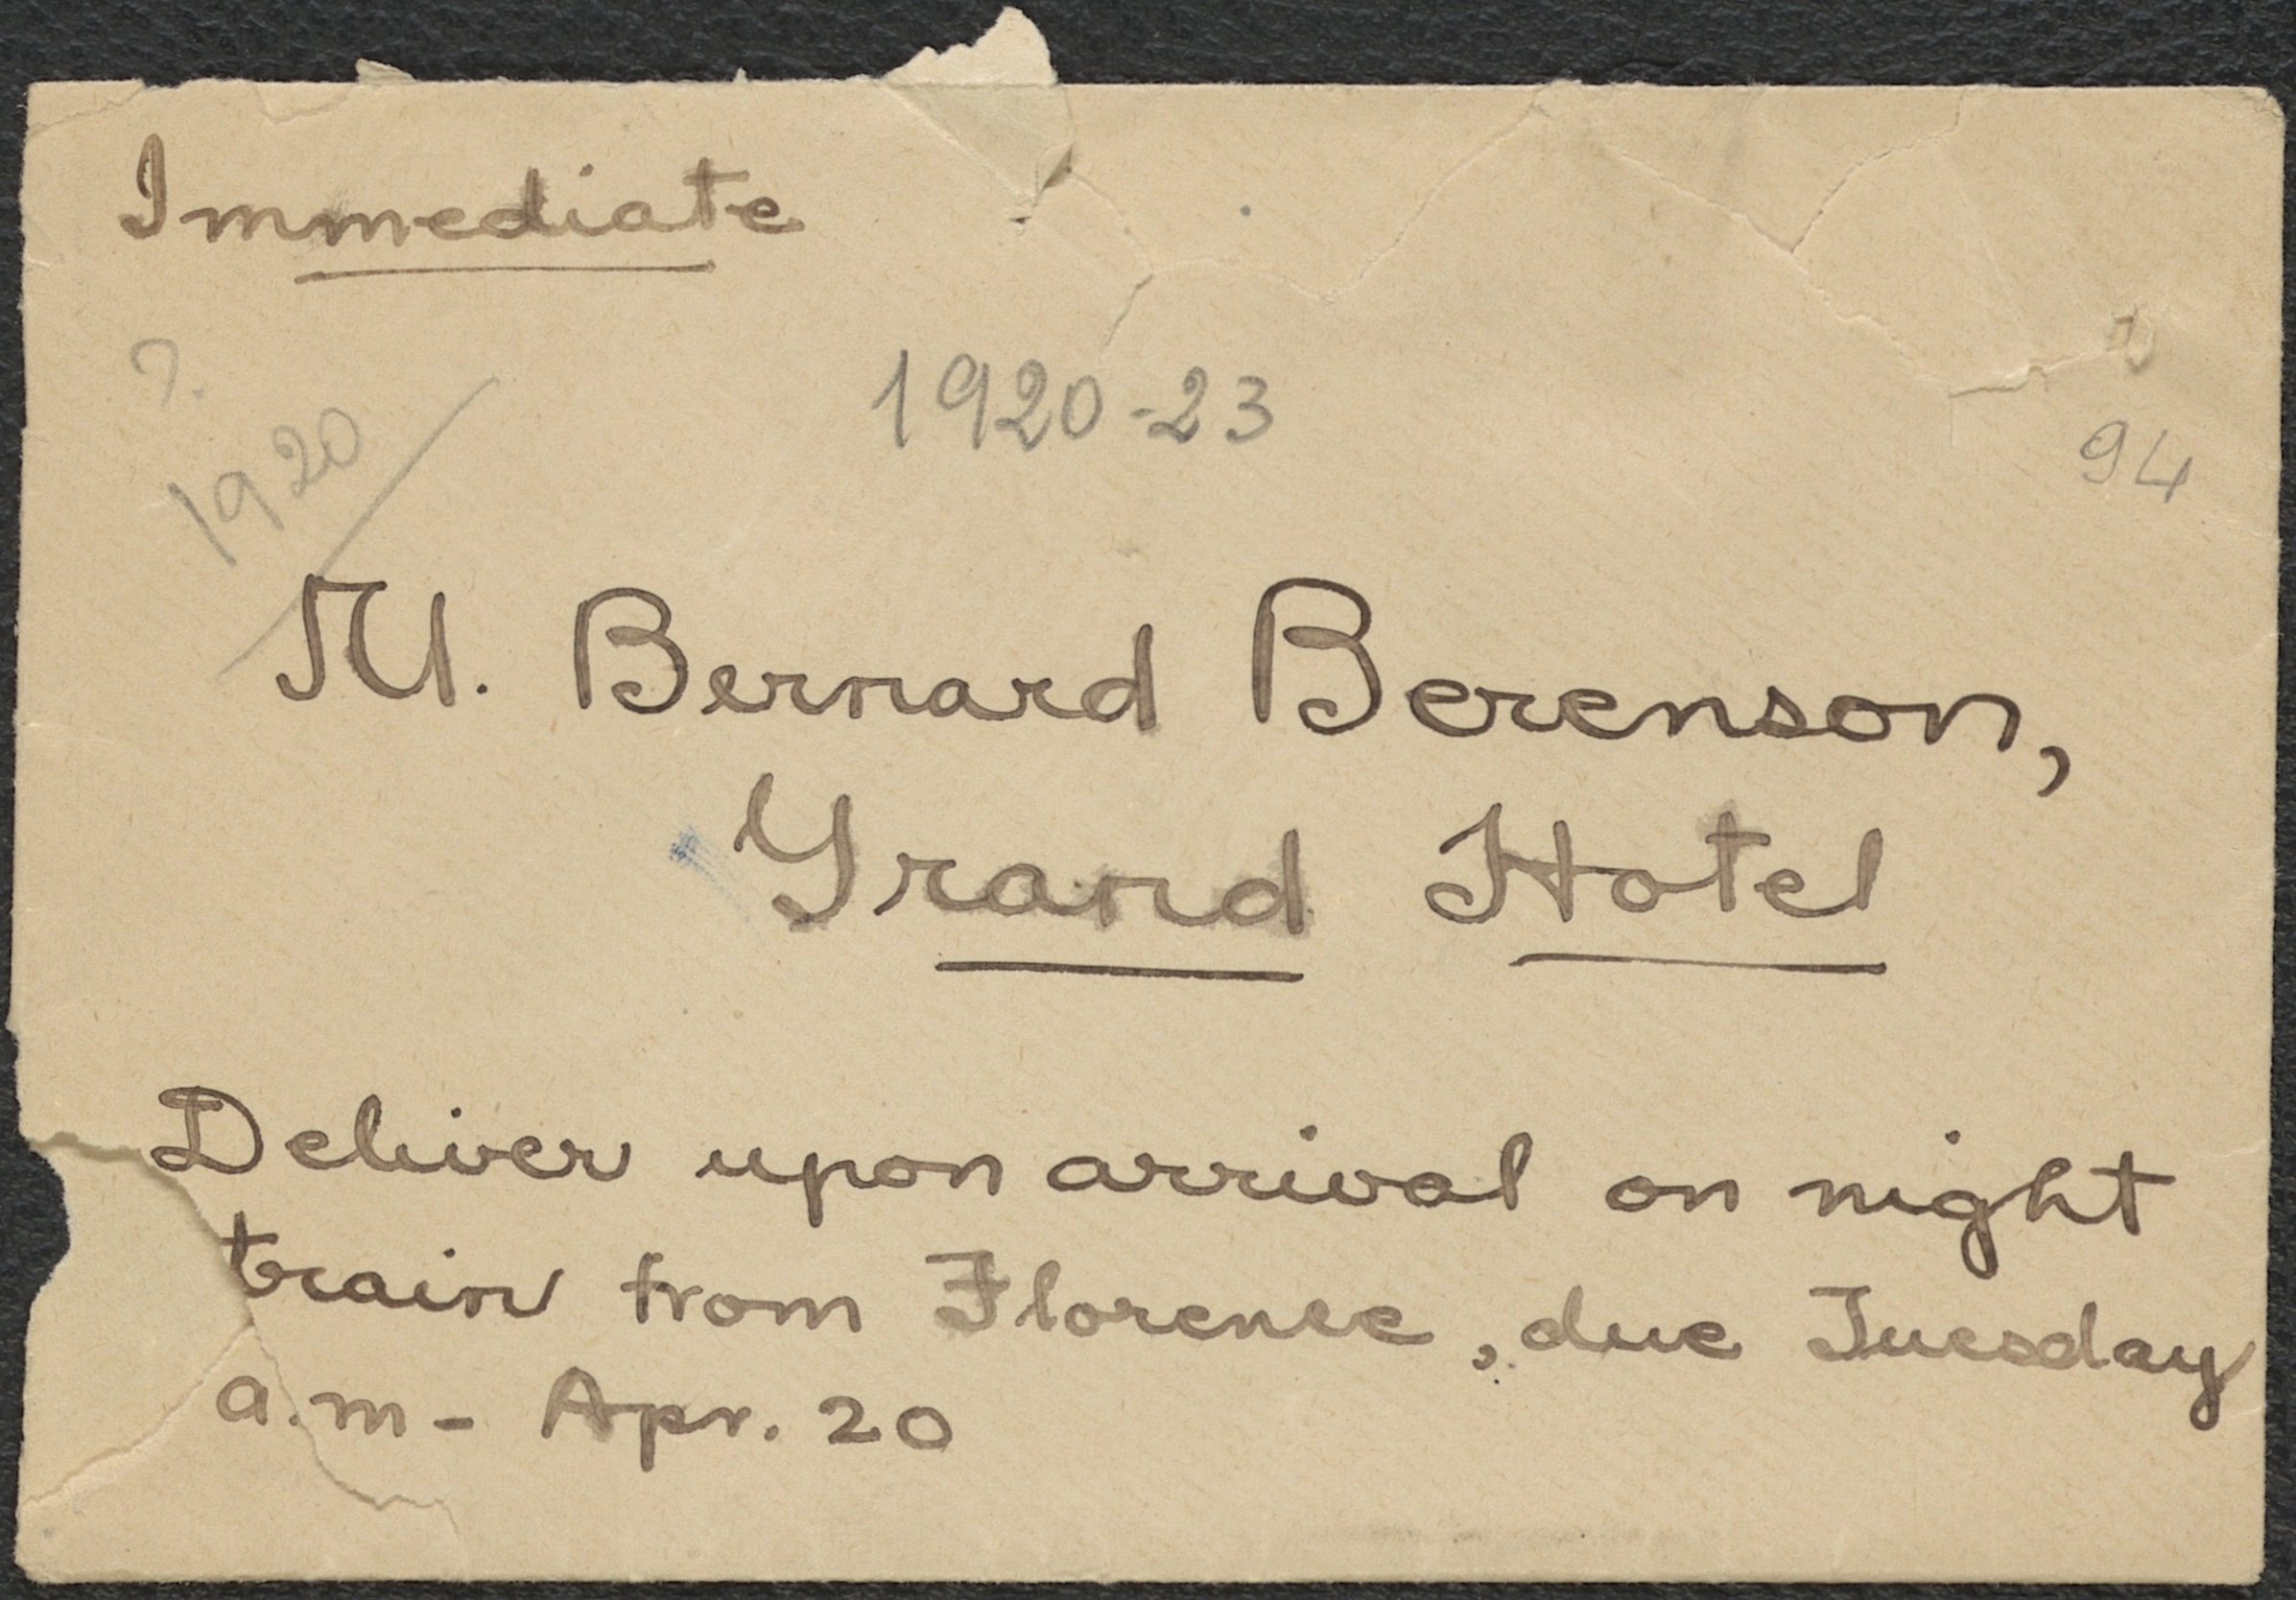[Written in upper left corner: Immediate]
M. Bernard Berenson,
Grand Hotel
Deliver upon arrival on night train from Florence, due Tuesday a.m – Apr. 20